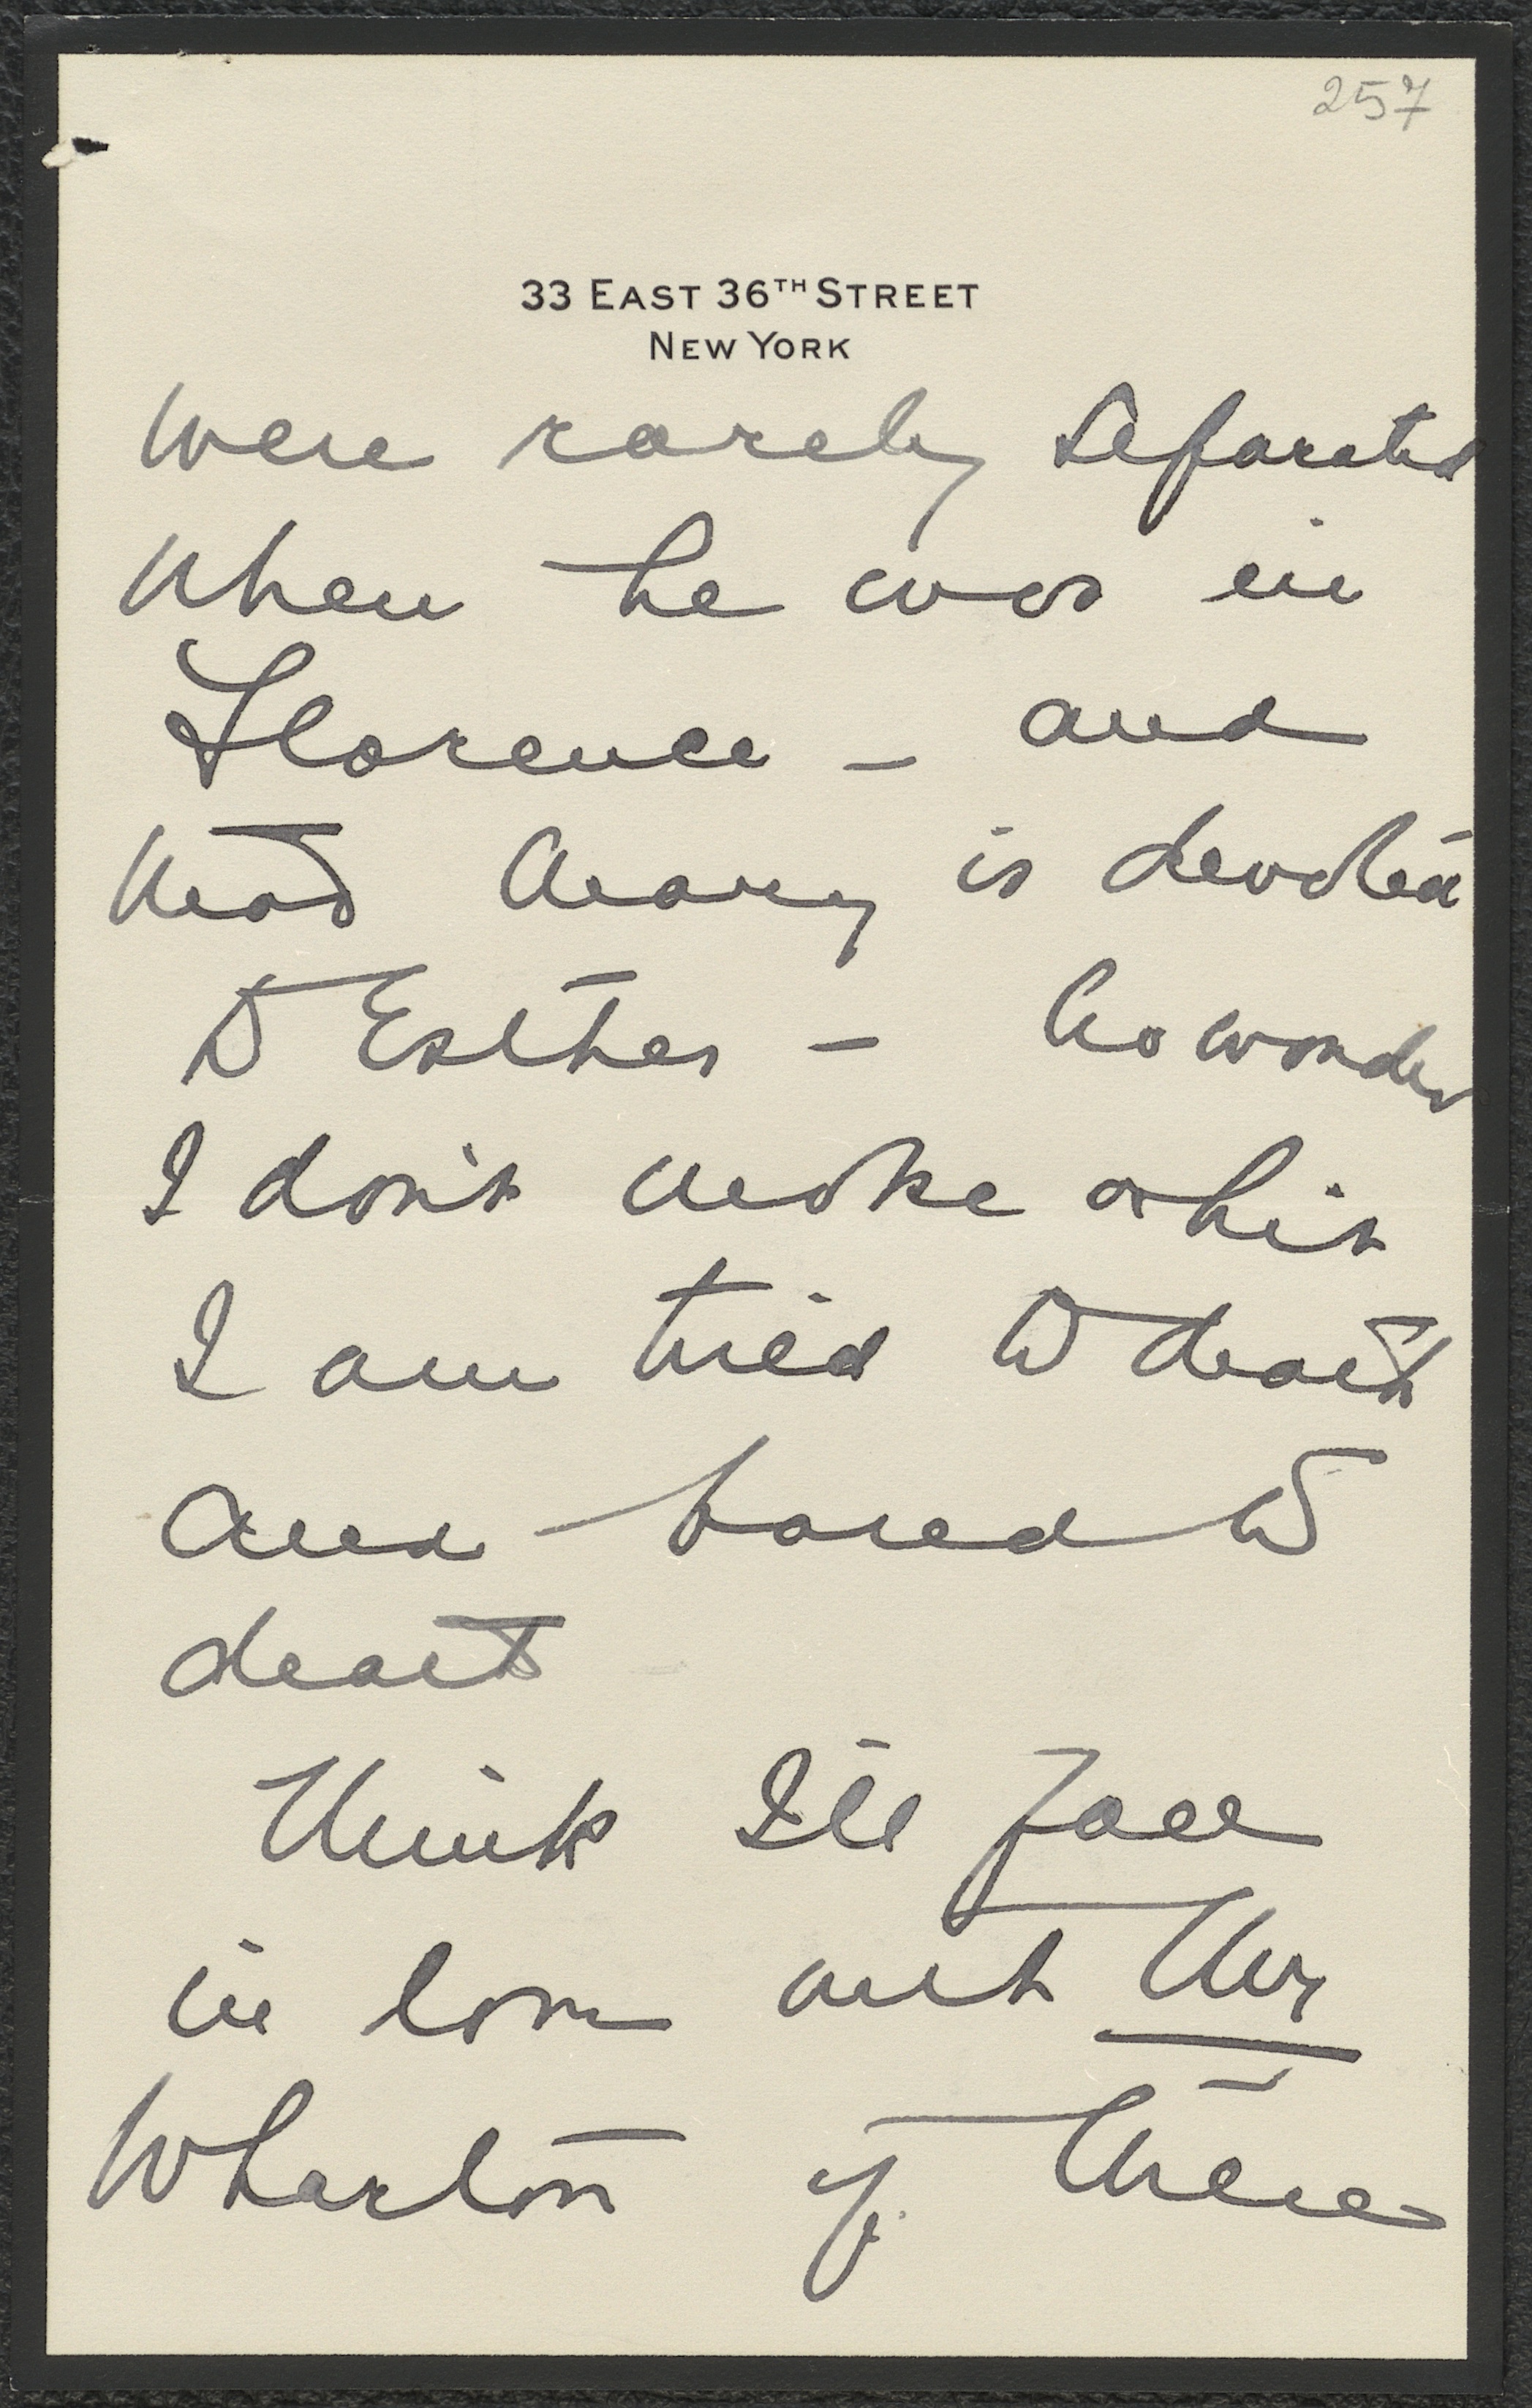were rarely separated when he was in Florence – and that Mary is devoted to Esther – No wonder I don’t make a hit
I am tired to death and bored to death
Think I’ll fall in love with Mr Wharton if there